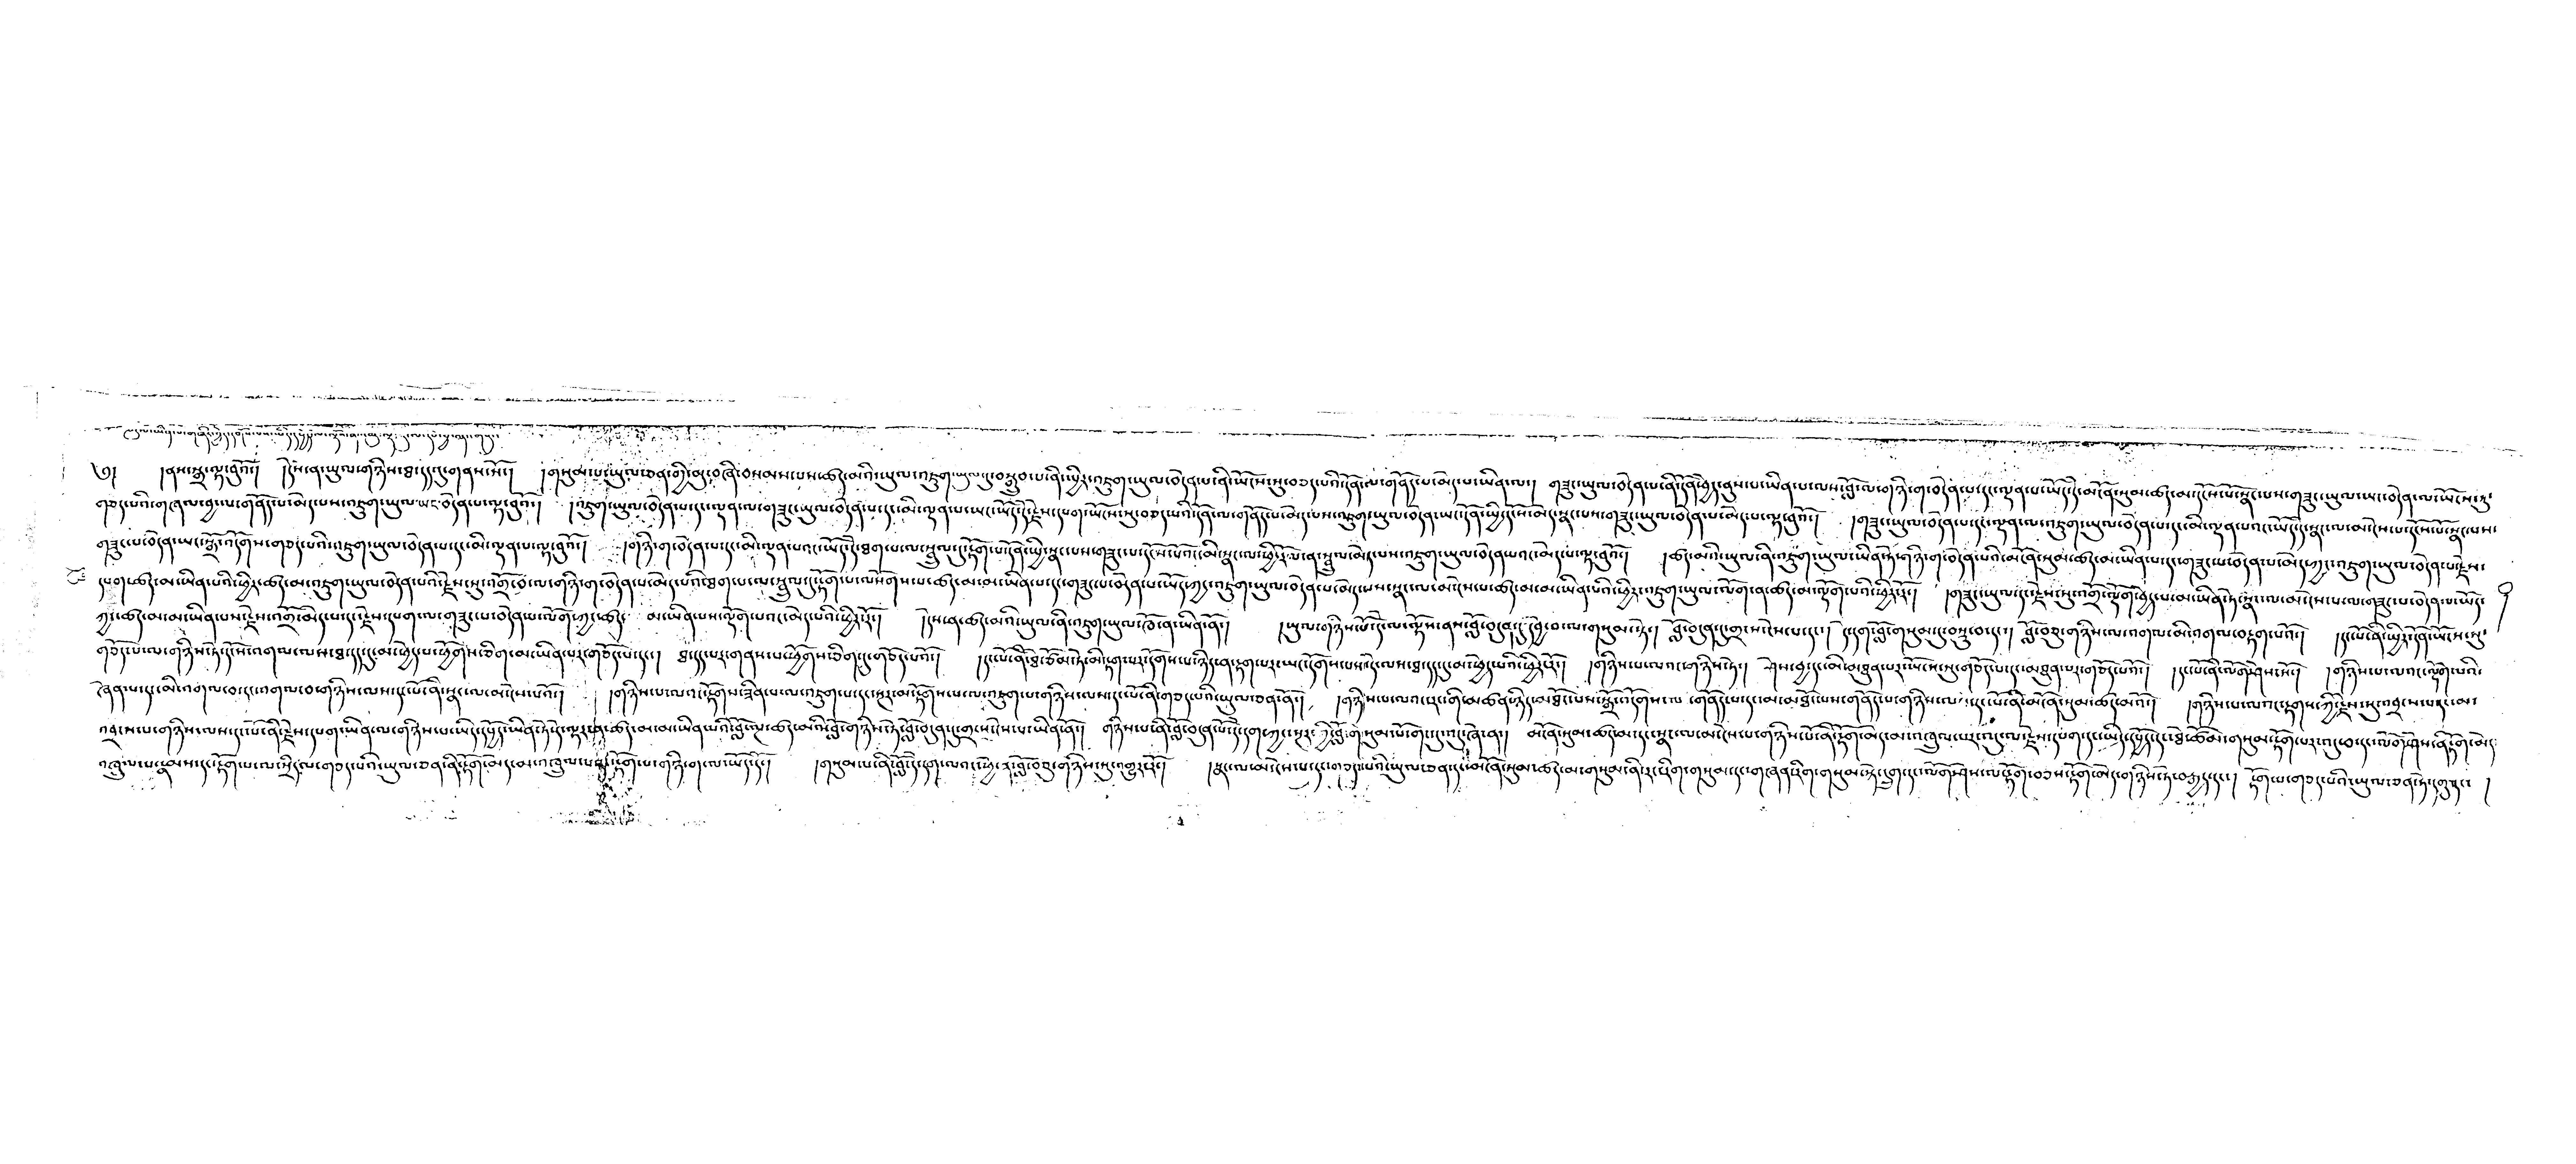༈། །ནས་སྒྲ་ལྟ་བུའོ། །དེས་ན་ཡུལ་གཉིས་ཐ་དད་དུ་གནས་སོ། །གསུམ་པ་ཡུལ་ཅན་གྱི་མུ་བཞི་བསམས་པས་ཚད་མའི་ཡུལ་འཇུག་ཡུལ་དུ་བསྒྲུབ་པ་ནི་སྤྱིར་འཇུག་ཡུལ་བདེན་པ་ནི་ཡོངས་སུ་བཅད་པའི་དོན་ལ་གནོད་པ་མེད་པ་ཡིན་ལ། གཟུང་ཡུལ་བདེན་པ་ནི་དོན་བྱེད་ནུས་པ་ཡིན་པ་ལས་བློ་ལ་གཉི་ག་བདེན་པ་དང་ལྡན་པ་ཡོད་དེ་མངོན་སུམ་ཚད་མ་དངོས་པོ་སྣང་པས་གཟུང་ཡུལ་ཡང་བདེན་ལ་ཡོངས་སུ་
གཅད་པའི་གཞལ་བྱ་ལ་གནོད་པ་མེད་པས་འཇུག་ཡུལ་ཡང་བདེན་པ་ལྟ་བུའོ། །འཇུག་ཡུལ་བདེན་པ་དང་ལྡན་ལ་གཟུང་ཡུལ་བདེན་པ་དང་མི་ལྡན་པ་ཡང་ཡོད་དོ་རྗེས་དཔག་ཡོངས་སུ་བཅད་པའི་དོན་ལ་གནོད་པ་མེད་པས་འཇུག་ཡུལ་བདེན་ཡང་དོན་སྤྱི་དངོས་མེད་སྣང་པས་གཟུང་ཡུལ་བདེན་པ་མེད་པ་ལྟ་བུའོ། །གཟུང་ཡུལ་བདེན་པ་དང་ལྡན་ལ་འཇུག་ཡུལ་བདེན་པ་དང་མི་ལྡན་པའང་ཡོད་དེ་སྣང་ལ་མ་ངེས་པ་དངོས་པོ་སྣང་པས་
གཟུང་པ་བདེན་ཡང་སྒྲོ་འདོགས་གཅད་པའི་འཇུག་ཡུལ་བདེན་པ་དང་མི་ལྡན་པ་ལྟ་བུའོ། །གཉི་ག་བདེན་པ་དང་མི་ལྡན་པའང་ཡོད་དེ་ཐག་པ་ལ་སྦྲུལ་དུ་རྟོག་པ་དོན་སྤྱི་སྣང་པས་གཟུང་པ་དངོས་པོའང་མི་སྣང་ལ་ཕྱི་རོལ་ན་སྦྲུལ་མེད་པས་འཇུག་ཡུལ་བདེན་པའང་མེད་པ་ལྟ་བུའོ། །ཚད་མའི་ཡུལ་ནི་འཇུག་ཡུལ་ཡིན་ཏེ་གཉི་ག་བདེན་པའི་མངོན་སུམ་ཚད་མ་ཡིན་པ་དང་གཟུང་པ་བདེན་པ་མེད་ཀྱང་འཇུག་ཡུལ་བདེན་པ་རྗེས་
དཔག་ཚད་མ་ཡིན་པའི་ཕྱིར་ཚད་མ་འཇུག་ཡུལ་བདེན་པའི་རྗེས་སུ་འགྲོ་བ་ལ་གཉི་ག་བདེན་པ་མེད་པའི་ཐག་པ་ལ་སྦྲུལ་དུ་རྟོག་པ་ལ་སོགས་པ་ཚད་མ་མ་ཡིན་པ་དང་གཟུང་པ་བདེན་པ་ཡོད་ཀྱང་འཇུག་ཡུལ་བདེན་པ་མེད་པས་སྣང་ལ་མ་ངེས་པ་ཚད་མ་མ་ཡིན་པའི་ཕྱིར་འཇུག་ཡུལ་ལོག་ན་ཚད་མ་ལྡོག་པའི་ཕྱིར་རོ། །གཟུང་ཡུལ་དང་རྗེས་སུ་འགྲོ་ལྡོག་བྱེད་པ་མ་ཡིན་ཏེ་སྣང་ལ་མ་ངེས་པ་ལ་གཟུང་པ་བདེན་པ་ཡོད་
ཀྱང་ཚད་མ་མ་ཡིན་པས་རྗེས་འགྲོ་མེད་པ་དང་རྗེས་དཔག་ལ་གཟུང་པ་བདེན་པ་ལོག་ཀྱང་ཚད་མ་ཡིན་པས་ལྡོག་པའང་མེད་པའི་ཕྱིར་རོ། །དེས་ན་ཚད་མའི་ཡུལ་ནི་འཇུག་ཡུལ་ཁོ་ན་ཡིན་ནོ། །ཡུལ་གཉིས་པོ་དེ་ལ་ལྟོས་ནས་བློ་བདུན་དུ་དབྱེ་བ་ལ་གསུམ་སྟེ། བློ་བདུན་དུ་གྲངས་ངེས་པ་དང་། དེ་དག་བློ་གསུམ་དུ་བསྡུ་བ་དང་། བློ་བཅུ་གཉིས་ལ་འགལ་མི་འགལ་བརྟག་པའོ། །དང་པོ་ནི་སྤྱིར་དོན་ཡོངས་སུ་
གཅོད་པ་ལ་གཉིས་ཏེ་དངོས་འགལ་ལས་ཐ་དད་དུ་མ་ཕྱེད་པ་ཕྱོགས་ཅིག་མ་ཡིན་པར་གཅོད་པ་དང་། ཐ་དད་པར་གནས་པ་ཕྱོགས་ཅིག་དུ་གཅོད་པའོ། །དང་པོ་ནི་ཐེ་ཚོམ་ཏེ་མི་རྟག་པར་དོགས་པ་ཉིད་ན་རྟག་པར་ཡང་དོགས་པས་དེ་ལས་ཐ་དད་དུ་མ་ཕྱེད་པའི་ཕྱིར་རོ། །གཉིས་པ་ལའང་གཉིས་ཏེ། ཤེས་བྱ་དང་མི་མཐུན་པར་ཡོངས་སུ་གཅོད་པ་དང་མཐུན་པར་གཅོད་པའོ། །དང་པོ་ནི་ལོག་ཤེས་སོ། །གཉིས་པ་ལའང་ལྡོག་པའི་
ཞེན་པ་དང་མི་འགལ་བ་དང་འགལ་བ་གཉིས་ལས་དང་པོ་ནི་སྣང་ལ་མ་ངེས་པའོ། །གཉིས་པ་ལའང་རྟོགས་ཟིན་པ་ལ་འཇུག་པ་དང་སྔར་མ་རྟོགས་པ་ལ་འཇུག་པ་གཉིས་ལས་དང་པོ་ནི་གཅད་པའི་ཡུལ་ཅན་ནོ། །གཉིས་པ་ལའང་རང་གི་མཚན་ཉིད་མཐོང་པས་སྒྲོ་འདོགས་ལ་གནོད་པ་དང་མ་མཐོང་པས་གནོད་པ་གཉིས་ལ་དང་པོ་ནི་མངོན་སུམ་ཚད་མའོ། །གཉིས་པ་ལའང་རྟགས་ཀྱི་རྗེས་སུ་འབྲངས་པར་མ་
འབྲངས་པ་གཉིས་ལས་དང་པོ་ནི་རྗེས་དཔག་ཡིན་ལ་གཉིས་པ་ཡིད་དཔྱོད་ཡིན་ཏེ་དེ་ལྟར་ན་ཚད་མ་མ་ཡིན་པའི་བློ་ལྔ་ཚད་མའི་བློ་གཉིས་ཏེ་བློ་བདུན་དུ་གྲངས་ངེས་པ་ཡིན་ནོ། གཉིས་པ་ནི་བློ་བདུན་པོ་དེ་དག་ཀྱང་སྔར་གྱི་བློ་གསུམ་པོ་གང་དུ་འདུ་ཞེ་ན། མངོན་སུམ་ཚད་མ་དང་སྣང་ལ་མ་ངེས་པ་གཉིས་པོ་ནི་རྟོག་མེད་མ་འཁྲུལ་པར་འདུ་ལ་རྗེས་དཔག་དང་ཡིད་དཔྱོད་དང་ཐེ་ཚོམ་གསུམ་རྟོག་པར་འདུ་བ་དང་ལོག་ཤེས་ནི་རྟོག་མེད་
འཁྲུལ་པ་རྣམས་དང་རྟོག་པ་ལ་སྲིད་ལ་གཅད་པའི་ཡུལ་ཅན་ནི་རྟོག་མེད་མ་འཁྲུལ་པའི་རྟོག་པ་གཉི་ག་ལ་ཡོད་དོ། །གསུམ་པ་ནི་བློ་དེ་དག་ལའང་ཕྱི་ན་བློ་བཅུ་གཉིས་སུ་འགྱུར་རོ། །སྣང་ལ་མ་ངེས་པ་དང་གཅད་པའི་ཡུལ་ཅན་དང་མངོན་སུམ་ཚད་མ་གསུམ་ནི་རང་རིག་གསུམ་དང་གཞན་རིག་གསུམ་སྟེ་དྲུག་དང་ལོག་ཤེས་ལ་རྟོག་བཅས་རྟོག་མེད་གཉིས་ཏེ་བརྒྱད་དང་། རྟོག་པ་གཅད་པའི་ཡུལ་ཅན་ཏེ་དགུ་དང་།